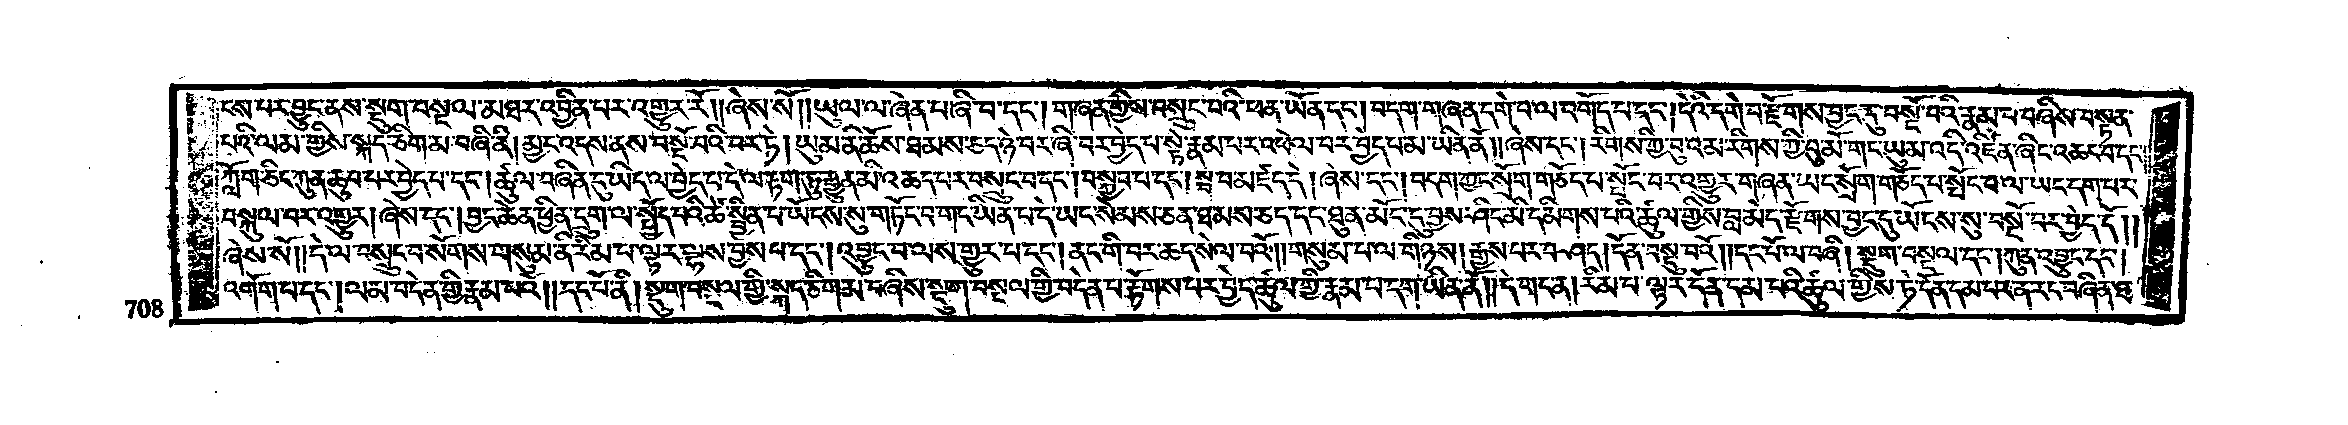ངེས་པར་བྱུང་ནས་སྡུག་བསྔལ་མཐར་འབྱིན་པར་འགྱུར་རོ། །ཞེས་སོ། །ཡུལ་ལ་ཞེན་པ་ཞི་བ་དང་། གཞན་གྱིས་བསྲུང་བའི་ཕན་ཡོན་དང་། བདག་གཞན་དགེ་བ་ལ་འགོད་པ་དང་། དེའི་དགེ་བ་རྫོགས་བྱང་དུ་བསྔོ་བའི་རྣམ་པ་བཞིས་བསྟན་
པའི་ལམ་གྱིས་སྐད་ཅིག་མ་བཞི་ནི། མྱང་འདས་ནས་བསྔོ་བའི་བར་ཏེ། ཡུམ་ནི་ཆོས་ཐམས་ཅད་ཉེ་བར་ཞི་བར་བྱེད་པ་སྟེ་རྣམ་པར་འཕེལ་བར་བྱེད་པ་མ་ཡིན་ནོ། །ཞེས་དང་། རིགས་ཀྱི་བུ་འམ་རིགས་ཀྱི་བུ་མོ་གང་ཡུམ་འདི་འཛིན་ཞིང་འཆང་བ་དང་།
ཀློག་ཅིང་ཀུན་ཆུབ་པར་བྱེད་པ་དང་། ཚུལ་བཞིན་དུ་ཡིད་ལ་བྱེད་པ་དེ་ལ་རྟག་ཏུ་རྒྱུན་མི་འཆད་པར་བསྲུང་བ་དང་། བསྐྱབ་པ་དང་། སྦ་བ་མཛད་དེ། ཞེས་དང་། བདག་ཀྱང་སྲོག་གཅོད་པ་སྤོང་བར་འགྱུར་གཞན་ཡང་སྲོག་གཅོད་པ་སྤོང་བ་ལ་ཡང་དག་པར་
བསྐུལ་བར་འགྱུར། ཞེས་དང་། བྱང་ཆེན་ཕྱིན་དྲུག་ལ་སྤྱོད་པའི་ཚེ་སྦྱིན་པ་ཡོངས་སུ་གཏོང་བ་གང་ཡིན་པ་དེ་ཡང་སེམས་ཅན་ཐམས་ཅད་དང་ཐུན་མོང་དུ་བྱས་ཤིང་མི་དམིགས་པའི་ཚུལ་གྱིས་བླ་མེད་རྫོགས་བྱང་དུ་ཡོངས་སུ་བསྔོ་བར་བྱེད་དོ། །
ཞེས་སོ། །དེ་ལ་བསྲུང་བ་སོགས་གསུམ་ནི་རིམ་པ་ལྟར་ལྷས་བྱས་པ་དང་། འབྱུང་བ་ལས་གྱུར་པ་དང་། ནང་གི་བར་ཆད་སེལ་བའོ། །གསུམ་པ་ལ་གཉིས། རྒྱས་པར་བཤད། དོན་བསྡུ་བའོ། །དང་པོ་ལ་བཞི། སྡུག་བསྔལ་དང་། ཀུན་འབྱུང་དང་།
འགོག་པ་དང་། ལམ་བདེན་གྱི་རྣམ་པའོ། །དང་པོ་ནི། སྡུག་བསྔལ་གྱི་སྐད་ཅིག་མ་བཞིས་སྡུག་བསྔལ་གྱི་བདེན་པ་རྟོགས་པར་བྱེད་ཚུལ་གྱི་རྣམ་པ་དག་ཡིན་ནོ། །དེ་གང་ན། རིམ་པ་ལྟར་དོན་དམ་པའི་ཚུལ་གྱིས་ཏེ་དོན་དམ་པར་ན་རང་བཞིན་ཐ་